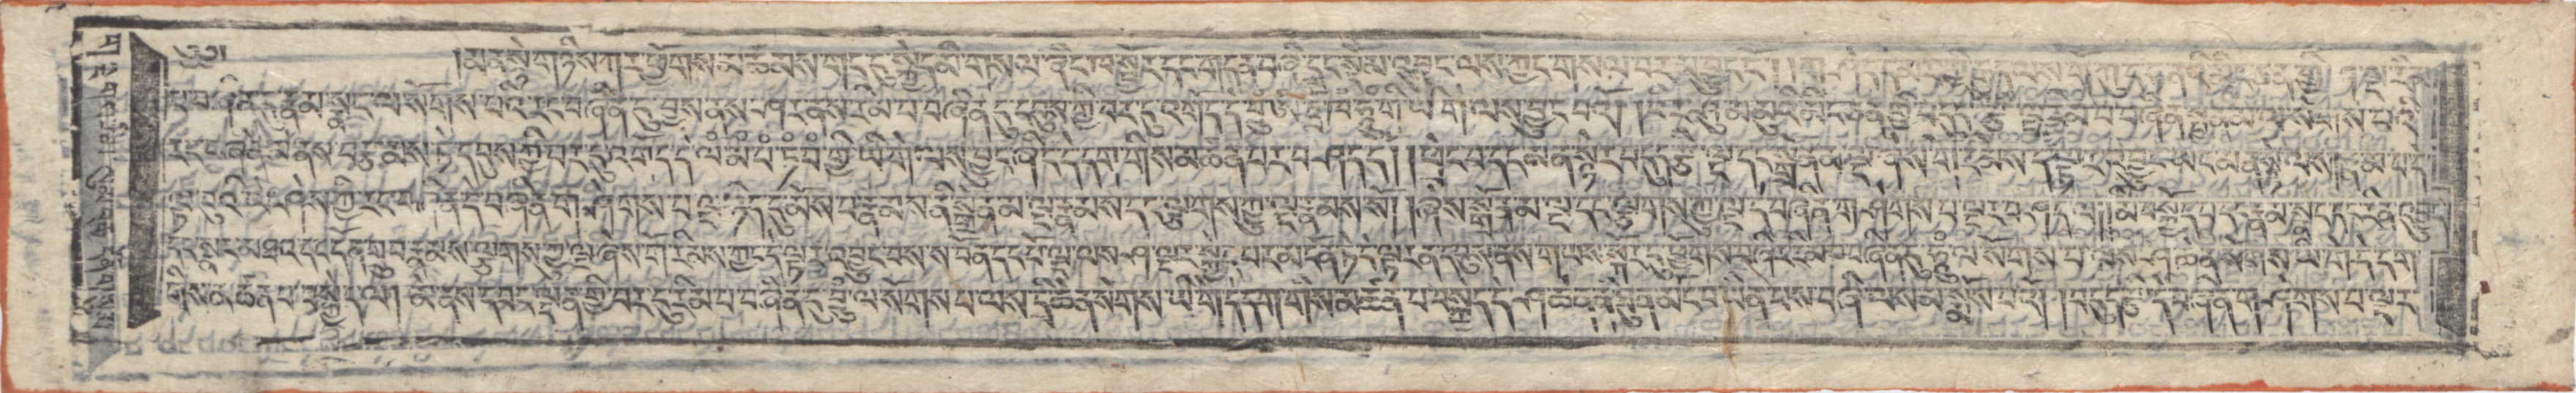༄༅། །མན་སྙེ་གཉིས་ཀར་ཕྱོགས་མཚམས་གང་དུ་སྐྱེད་མི་གསལ་ཞིང་ཁ་སྦྱོར་དང་གདན་བཞི་དང་སྡོམ་འབྱུང་ལས་ཀྱང་གསལ་བར་མ་བྱུང་ངོ། །གཤེད་དམར་གྱི་རྒྱུད་ལས་གོ་ཀུ་ད་ཧ་ནའི་མིང་ཅན་གྱི་ཤ་ལྔ་རིམ་
པ་བཞིན་དུ་རྣམ་སྣང་ལ་སོགས་པའི་རང་བཞིན་དུ་བྱས་ནས་ཤར་ནས་རིམ་པ་བཞིན་དུ་དབུས་གྱི་བར་དུ་འགོད་དེ་བྲུཾ་ཨཾ་ཛྲཾ་ཁཾ་ཧཱུཾ་གི་ཡི་གེ་ལས་བྱུང་བའོ། །བི་ར་ཤུ་མ་མུའི་མིང་ཅན་གྱི་བདུད་རྩི་ལྔ་རིམ་པ་བཞིན་སྤྱན་མ་ལ་སོགས་པའི་
རང་བཞིན་མེ་ནས་བརྩམས་ཏེ་དབུས་ཀྱི་བར་དུ་འགོད་དེ་ལཾ་མཾ་པཾ་ཏཾ་བཾ་གྱི་ཡི་གེ་ལས་བྱུང་ཞིང་དེ་དག་གིས་མཚན་པར་བཤད་དོ། །ཕྲེང་བ་དང་མན་སྙེར་བདུད་རྩི་ལྔ་དང་སྒྲོན་མ་ལྔ་ཞེས་གོ་རིམས་དེ་ལྟར་འབྱུང་ཡང་མན་སྙེ་ལས། རྣམ་པ་དེ་
ལྟ་བུའི་ཡེ་ཤེས་ཀྱི་རང་བཞིན་དེ་བཞིན་གཤེགས་པ་ལྔ་ཉིད་དུ་མོས་པ་རྣམས་ནི་སྒྲོན་མ་ལྔ་རྣམས་དང་ལྕགས་ཀྱུ་ལྔ་རྣམས་སོ། །ཞེས་སྒྲོན་མ་ལྔ་དང་ལྕགས་ཀྱུ་ལྔ་དེ་བཞིན་གཤེགས་པ་ལྔར་བཤད་ལ། །མི་བསྐྱོད་པ་དང་རྣམ་སྣང་དང་རིན་འབྱུང་
དང་སྣང་མཐའ་དང་དོན་གྲུབ་རྣམས་ལྕགས་ཀྱུ་ལྔ་ཞེས་གོ་རིམས་ཀྱང་དེ་ལྟར་འབྱུང་བས་ས་བོན་དང་པོ་ལྔ་ལས་ཤ་ལྔར་སྐྱེད་པར་མངོན་ཏེ་དེ་ལྟར་ན་དབུས་ནས་གཡས་སྐོར་དུ་ཕྱོགས་བཞིར་རིམ་པ་བཞིན་དུ་ཧཱུཾ་ལ་སོགས་པ་ལས་ཤ་ཆེན་སོགས་ཡི་གེ་དེ་དག་
གིས་མཚན་པ་བསྐྱེད་ལ། མེ་ནས་དབང་ལྡན་གྱི་བར་དུ་རིམ་པ་བཞིན་དུ་བྲུཾ་ལ་སོགས་པ་ལས་དྲི་ཆེན་སོགས་ཡི་གེ་དེ་དག་གིས་མཚན་པ་བསྐྱེད་དེ་ཤ་ཆེན་ནི་ཐུན་མོང་བ་ཡིན་པས་བཞི་ལས་མ་སྨོས་པའོ། །བདུད་རྩི་དེ་བཞིན་གཤེགས་པ་ལྔར་